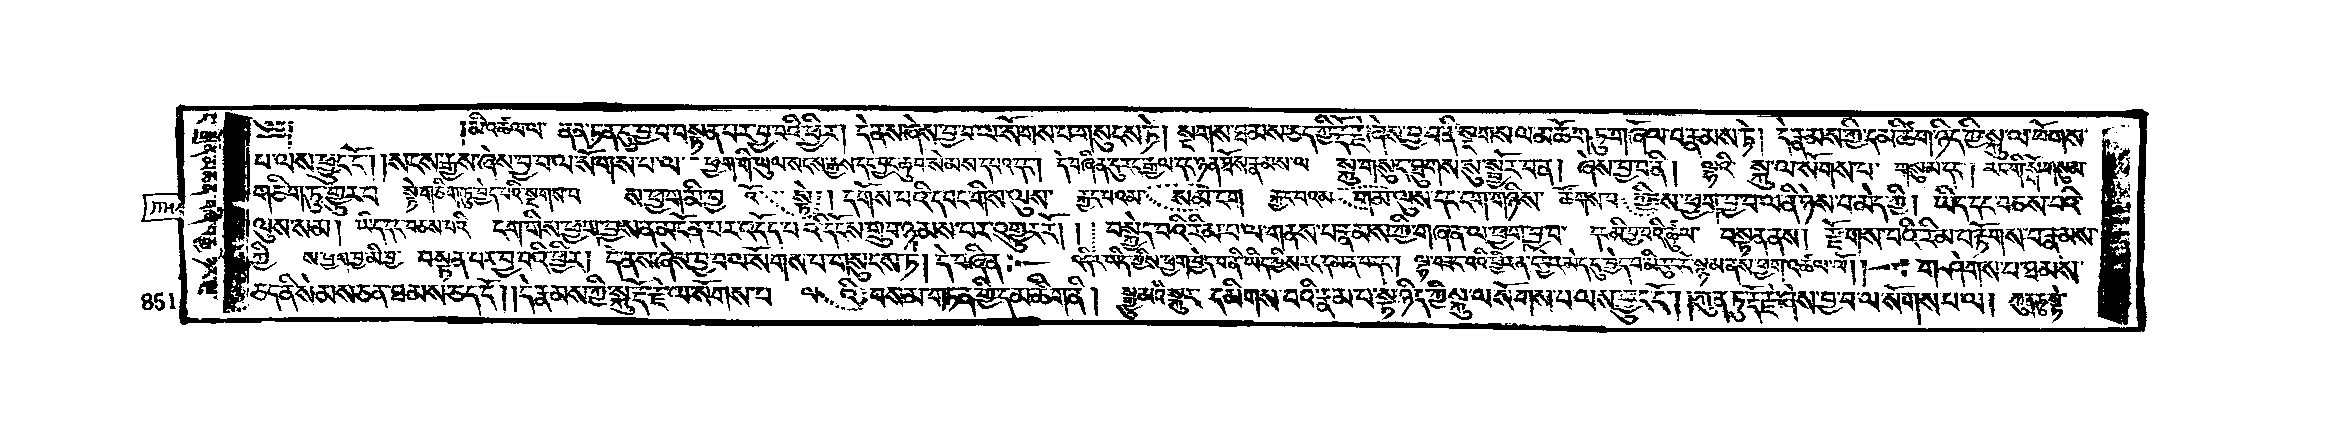༄༅། །མི་འཚལ་ལ་ནན་ཏན་དུ་བྱ་བ་བསྟན་པར་བྱ་བའི་ཕྱིར། དེ་ནས་ཞེས་བྱ་བ་ལ་སོགས་པ་གསུངས་ཏེ། སྔགས་ཐམས་ཅད་ཀྱི་རྡོ་རྗེ་ཞེས་བྱ་བ་ནི་སྔགས་ལ་མཆོག་ཏུ་གཞོལ་བ་རྣམས་ཏེ། དེ་རྣམས་ཀྱི་དམ་ཚིག་ཉིད་ཀྱི་སྐུ་ལ་སོགས་
པ་ལས་ཕྱུང་ངོ། །སངས་རྒྱས་ཞེས་བྱ་བ་ལ་སོགས་པ་ལ་ཕྱག་གི་ཡུལ་སངས་རྒྱས་དང་བྱང་ཆུབ་སེམས་དཔའ་དང་། དེ་བཞིན་དུ་རང་རྒྱལ་དང་ཉན་ཐོས་རྣམས་ལ་སྐུ་གསུང་ཐུགས་སུ་སྦྱོར་བ་ན། ཞེས་བྱ་བ་ནི། ལྷའི་སྐུ་ལ་སོགས་པ་གསུམ་དང་། རང་གི་སྒོ་གསུམ་
གཅིག་ཏུ་གྱུར་པ་སྟེ་གཅིག་ཏུ་བྱེད་པའི་སྔགས་པས་ཕྱག་མི་བྱའོ་སྟེ། དགོས་པའི་དབང་གིས་ལུས་རྐྱང་པའམ་སམ་ངག་རྐྱང་པའམ་གམ་ལུས་དང་ངག་གཉིས་ཚོགས་པ་ཀྱིས་ཕྱག་བྱ་བ་ལ་ནི་ཉེས་པ་མེད་ཀྱི། ཡིད་དང་བཅས་པའི་
ལུས་སམ། ཡིད་དང་བཅས་པའི་ངག་གིས་ཕྱག་བྱས་ན་མངོན་པར་འདོད་པའི་དངོས་གྲུབ་ཉམས་པར་འགྱུར་རོ། །བསྐྱེད་པའི་རིམ་པ་ལ་གནས་པ་རྣམས་ཀྱི་གཞན་ལ་ཕྱག་བྱ་བ་དང་མི་བྱ་བའི་ཚུལ་བསྟན་ནས། རྫོགས་པའི་རིམ་པ་རྟོགས་པ་རྣམས་
ཀྱིས་ཕྱག་བྱ་མི་བྱ་བསྟན་པར་བྱ་བའི་ཕྱིར། དེ་ནས་ཞེས་བྱ་བ་ལ་སོགས་པ་གསུངས་ཏེ། དེ་བཞིནཿ་འདིར་ཡིད་ཀྱིས་ཕྱག་བྱེད་པ་ནི་ཡིད་ཀྱིས་རང་དམན་པར་དང་། ལྷ་བཟང་བའི་ཕྱིར་ན་དབྱེར་མེད་དུ་བྱེད་པ་མི་རུང་ངོ་སྙམ་ནས་ཕྱག་འཚལ་ལོ།  །.H གཤེགས་པ་ཐམས་
ཅད་ནི་སེམས་ཅན་ཐམས་ཅད་ངོ། །དེ་རྣམས་ཀྱི་སྐུ་རྡོ་རྗེ་ལ་སོགས་པ་ལའི་བསམ་གཏན་གྱི་དམ་ཚིག་ནི། སྒྱུ་མའི་སྐུར་དམིགས་པའི་རྣམ་པ་སྟེ་ཉིད་ཀྱི་སྐུ་ལ་སོགས་པ་ལས་ཕྱུང་ངོ། །ཀུན་ཏུ་རྡོ་རྗེ་ཞེས་བྱ་བ་ལ་སོགས་པ་ལ། ཀུན་ཏུ་སྟེ་